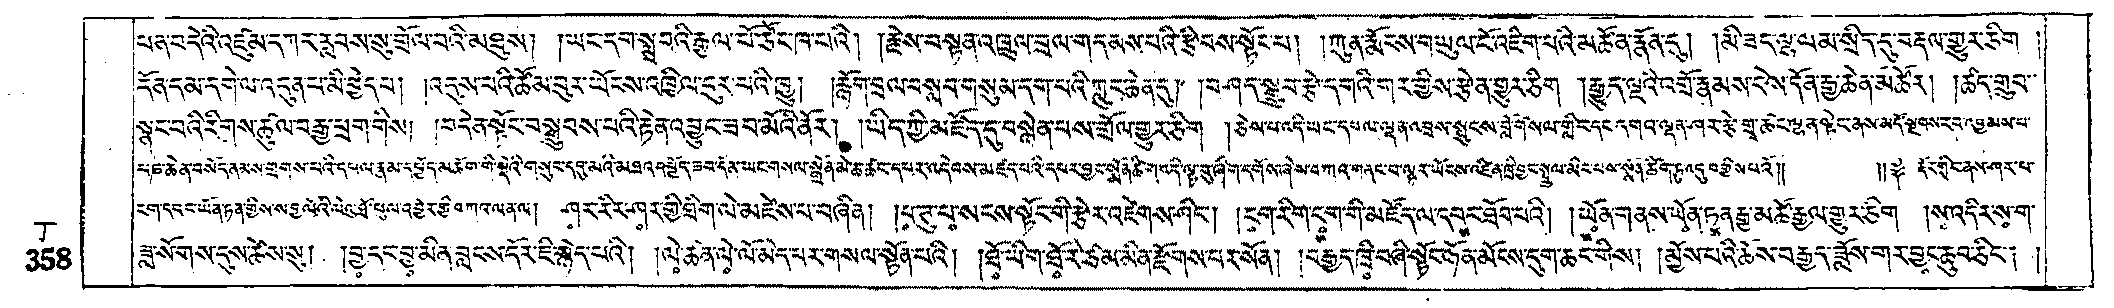ཕན་བདེའི་འཛུམ་དཀར་རླབས་སུ་གྲོལ་བའི་མཐུས། །ཡང་དག་སྨྲ་བའི་རྒྱལ་པོ་ཙོང་ཁ་པའི། །རྗེས་བསྟན་འཁྲུལ་བྲལ་གདམས་པའི་རྩིབས་སྟོང་པ། །ཀུན་རྨོངས་གཡུལ་ངོ་འཇིག་པའི་མཚོན་རྣོན་དུ། །མི་ཟད་ལྷ་ལམ་སྲིད་དུ་བརྡལ་གྱུར་ཅིག །
དོན་དམ་དགེ་ལ་འདུན་པ་མི་ཕྱེད་པ། །འདུས་པའི་ཚོམ་བུར་ཡོངས་འཁྱིལ་དུར་པའི་ཁྱུ། །རྙོག་བྲལ་བསླབ་གསུམ་དག་པའི་ཀླུང་ཆེན་དུ། །བཤད་སྒྲུབ་རྩེ་དགའི་གར་གྱིས་རྩེན་གྱུར་ཅིག །རྒྱུད་ལྔའི་འགྲོ་རྣམས་ངེས་དོན་རྒྱ་ཆེན་མཚོར། །ཚད་གྲུབ་་་
སྣང་བའི་རིགས་ཚུལ་བརྒྱ་ཕྲག་གིས། །བདེན་སྟོང་བསྒྲུབས་པའི་རྟེན་འབྱུང་ཟབ་མོའི་ནོར། །ཡིད་ཀྱི་མཛོད་དུ་བསྙེན་པས་གྲོལ་གྱུར་ཅིག །ཅེས་པ་འདི་ཡང་དཔལ་ལྡན་འབྲས་སྤུངས་བློ་གསོལ་གླིང་དང་དགའ་ལྡན་ཤར་རྩེ་གྲྭ་ཚང་ལྷན་སྟེང་ནས་མདོ་སྔགས་རབ་འབྱམས་པ་
པཎ་ཆེན་བསོད་ནམས་གྲགས་པའི་དཔལ་རྣམ་དཔྱོད་མཆོག་གི་སྡེའི་གསུང་དབུ་མའི་མཐའ་དཔྱོད་ཟབ་དོན་ཡང་གསལ་སྒྲོན་མེ་ཆ་ཚང་དཔར་འདེབས་མཛད་པའི་དཔར་བྱང་སྨོན་ཚིག་འདི་ལྟ་བུ་ཞིག་དགོས་ཞེས་བཀའ་གནང་བ་ལྟར་ཡོངས་འཛིན་ཁྲི་བྱང་སྤྲུལ་མིང་པས་སྨོན་ཚིག་ཏུ་འདུ་བགྱིས་པའོ།། །།འ་རྡོར་གླིང་ནས་ཤར་པ་
ངག་དབང་ཡོན་ཏན་གྱིས་ས་བྱ་ལོའི་ལེའུ་ཐོ་ཕུལ་འབྱོར་གྱི་བཀའ་ལན་ལ། ཤར྾་རིར་ཤར྾་གྱི་ཐིག་ལེ་མཛེས་པ་བཞིན། །པ྾་ཊུ་པ྾་སངས་སྟོང་གི་རྩེར་འཛེགས་ཤིང་། །ངག྾་རིག་ངག྾་གི་མཛོད་ལ་དབང་ཐོབ་པའི། །ཡོན྾་གནས་ཡོན྾་ཏན་རྒྱ་མཚོ་རྒྱལ་གྱུར་ཅིག །ས྾་འདིར་ས྾་ག་
ཟླ་སོགས་དུས་ཚེས་སུ། །བྱ྾་དང་བྱ྾་མིན་བླངས་དོར་ཇི་སྙེད་པའི། །ལེ྾་ཚན་ལེ྾་ལོ་མེད་པར་གསལ་སྟོན་པའི། །ཐོ྾་ཡིག་ཐོ྾་རེ་ཙམ་མིན་རྫོགས་པར་སོན། །བརྒྱད་ཁྲི྾་བཞི་སྟོང་ཉོན་མོངས་དུག་ཆང་གིས། །མྱོས་པའི་ཆོས་བརྒྱད་ཟློས་གར་བྱང྾་ཆུབ་ཅིང་། །